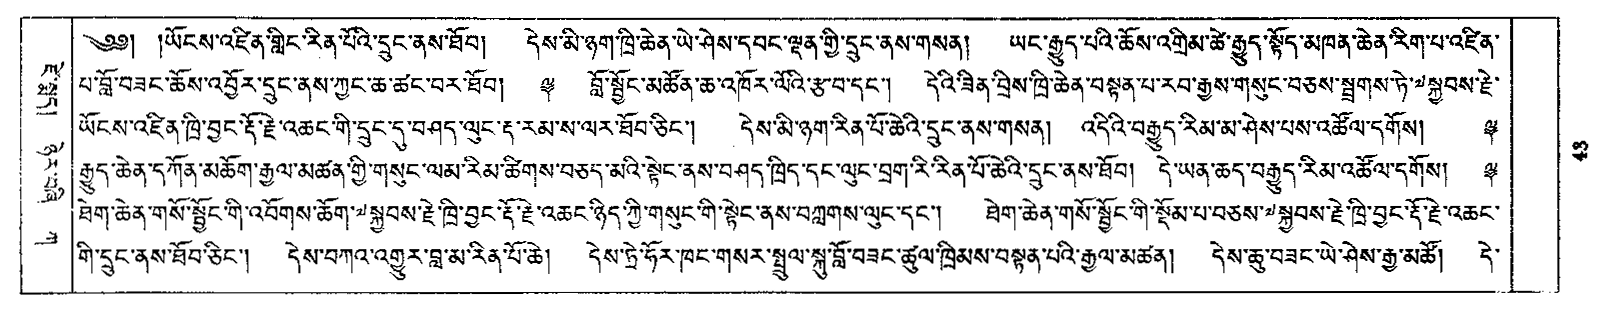༄༅། །ཡོངས་འཛིན་གླིང་རིན་པོའི་དྲུང་ནས་ཐོབ། དེས་མི་ཉག་ཁྲི་ཆེན་ཡེ་ཤེས་དབང་ལྡན་གྱི་དྲུང་ནས་གསན། ཡང་རྒྱུད་པའི་ཆོས་འགྲིམ་ཚེ་རྒྱུད་སྟོད་མཁན་ཆེན་རིག་པ་འཛིན་
པ་བློ་བཟང་ཆོས་འབྱོར་དྲུང་ནས་ཀྱང་ཆ་ཚང་བར་ཐོབ། ༈ བློ་སྦྱོང་མཚོན་ཆ་འཁོར་ལོའི་རྩ་བ་དང་། དེའི་ཟིན་བྲིས་ཁྲི་ཆེན་བསྟན་པ་རབ་རྒྱས་གསུང་བཅས་སྦྲགས་ཏེ་༧སྐྱབས་རྗེ་
ཡོངས་འཛིན་ཁྲི་བྱང་རྡོ་རྗེ་འཆང་གི་དྲུང་དུ་བཤད་ལུང་རྡ་རམ་ས་ལར་ཐོབ་ཅིང་། དེས་མི་ཉག་རིན་པོ་ཆེའི་དྲུང་ནས་གསན། འདིའི་བརྒྱུད་རིམ་མ་ཤེས་པས་འཚོལ་དགོས། ༈
རྒྱུད་ཆེན་དཀོན་མཆོག་རྒྱལ་མཚན་གྱི་གསུང་ལམ་རིམ་ཚིགས་བད་མའི་སྟེང་ནས་བཤད་ཁྲིད་དང་ལུང་བྲག་རི་རིན་པོ་ཆེའི་དྲུང་ནས་ཐོབ། དེ་ཡན་ཆད་བརྒྱུད་རིམ་འཚོལ་དགོས། ༈
ཐེག་ཆེན་གསོ་སྦྱོང་གི་འབོགས་ཆོག་༧སྐྱབས་རྗེ་ཁྲི་བྱང་རྡོ་རྗེ་འཆང་ཉིད་ཀྱི་གསུང་གི་སྟེང་ནས་བཀླགས་ལུང་དང་། ཐེག་ཆེན་གསོ་སྦྱོང་གི་སྡོམ་པ་བཅས་༧སྐྱབས་རྗེ་ཁྲི་བྱང་རྡོ་རྗེ་འཆང་
གི་དྲུང་ནས་ཐོབ་ཅིང་། དེས་བཀའ་འགྱུར་བླ་མ་རིན་པོ་ཆེ། དེས་ཏྲེ་ཧོར་ཁང་གསར་སྤྲུལ་སྐུ་བློ་བཟང་ཚུལ་ཁྲིམས་བསྟན་པའི་རྒྱལ་མཚན། དེས་ཆུ་བཟང་ཡེ་ཤེས་རྒྱ་མཚོ། དེ་